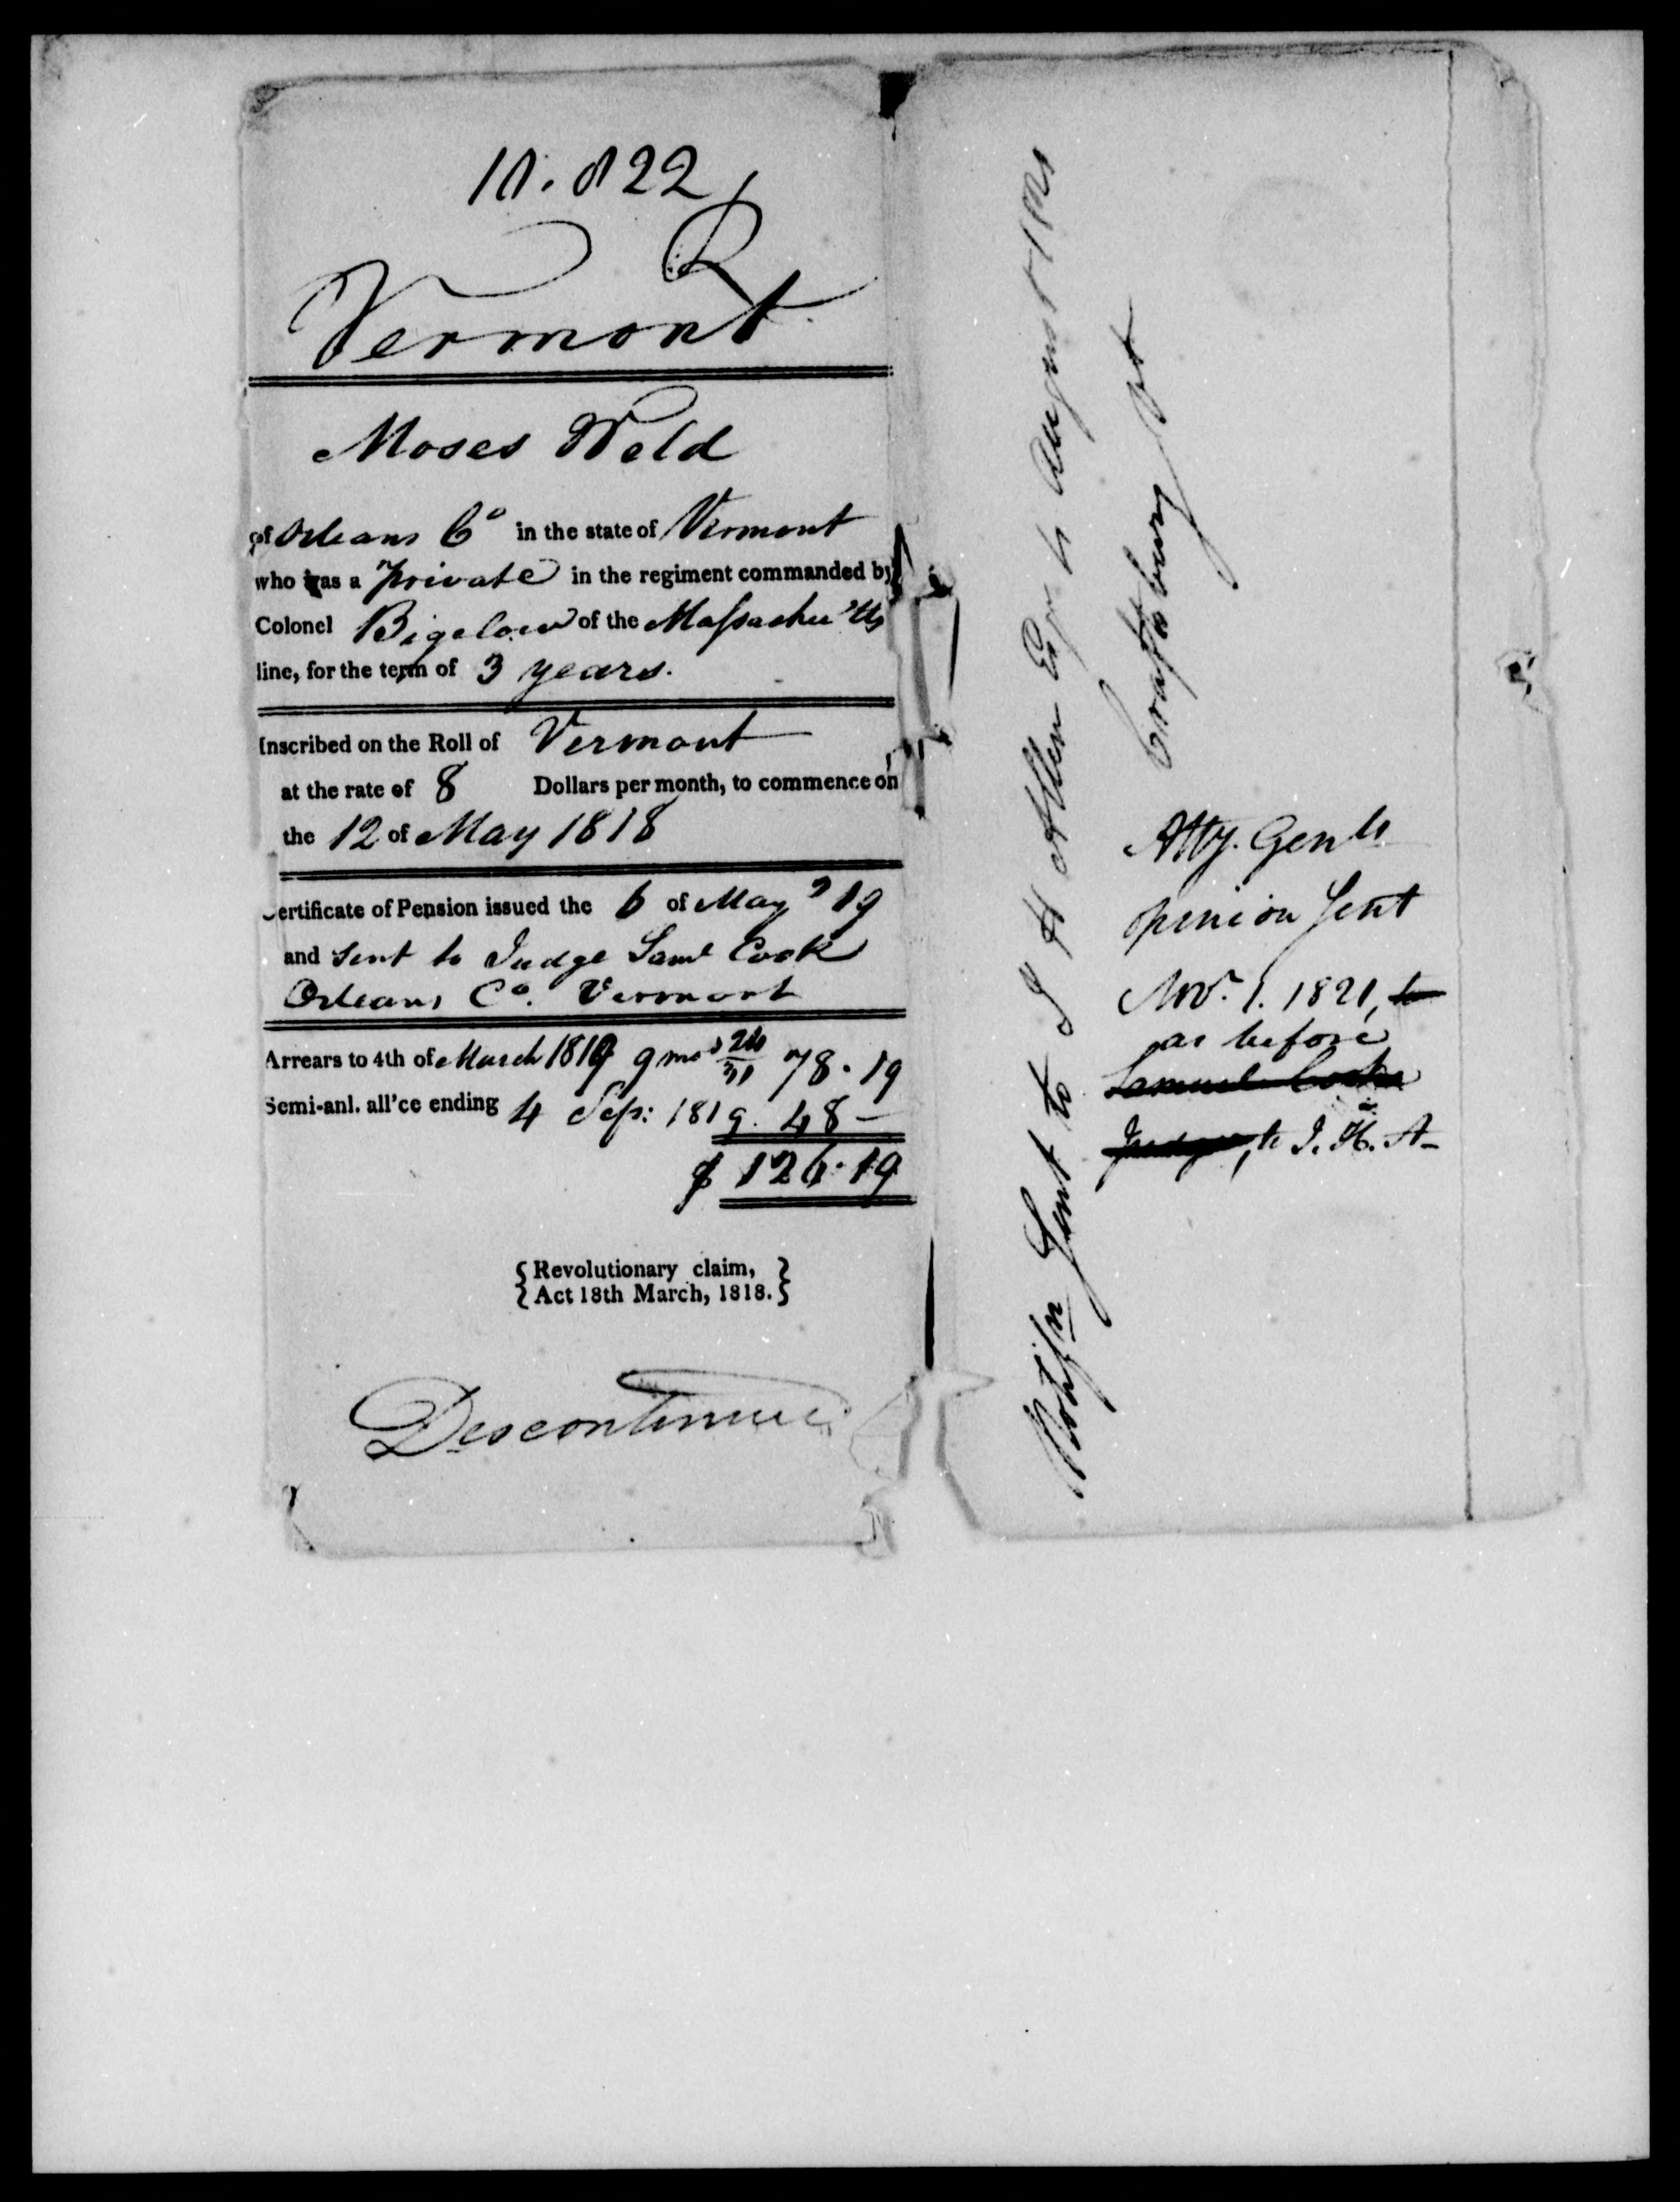10.022
Vermont
Moses Weld
of Orleans Co in the State of Vermont
who was a private in the regiment commanded by
Colonel Bigelow of the Massachusetts
line, for the term of 3 years
Inscribed on the Roll of Vermont
at the rate of 8
Dollars per month, to commence on
the 12 of May 1818
Certificate of Pension issued the 6 of May 19
and sent to Judge Saml Cook
Orleans Co. Vermont
Arrears to 4th of March 1819
Semi-anl. all'ce ending 4 Sep: 1819.
9 mos 24/31  78.19
                      48 -
                    $126.19
{Revolutionary claim,
Act 18th March, 1818.}
Discontinued

Notifn Sent to J.H. Allen Esqr August 1821
Craftsbury Vt
Atty Genl
opinion sent
Novr 1. 1821,
as before
J. H. A.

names: J H Allen, Saml Cook, Bigelow, Moses Weld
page: 17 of 87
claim: widow's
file: W. 25,966, Moses Weld, Mass.